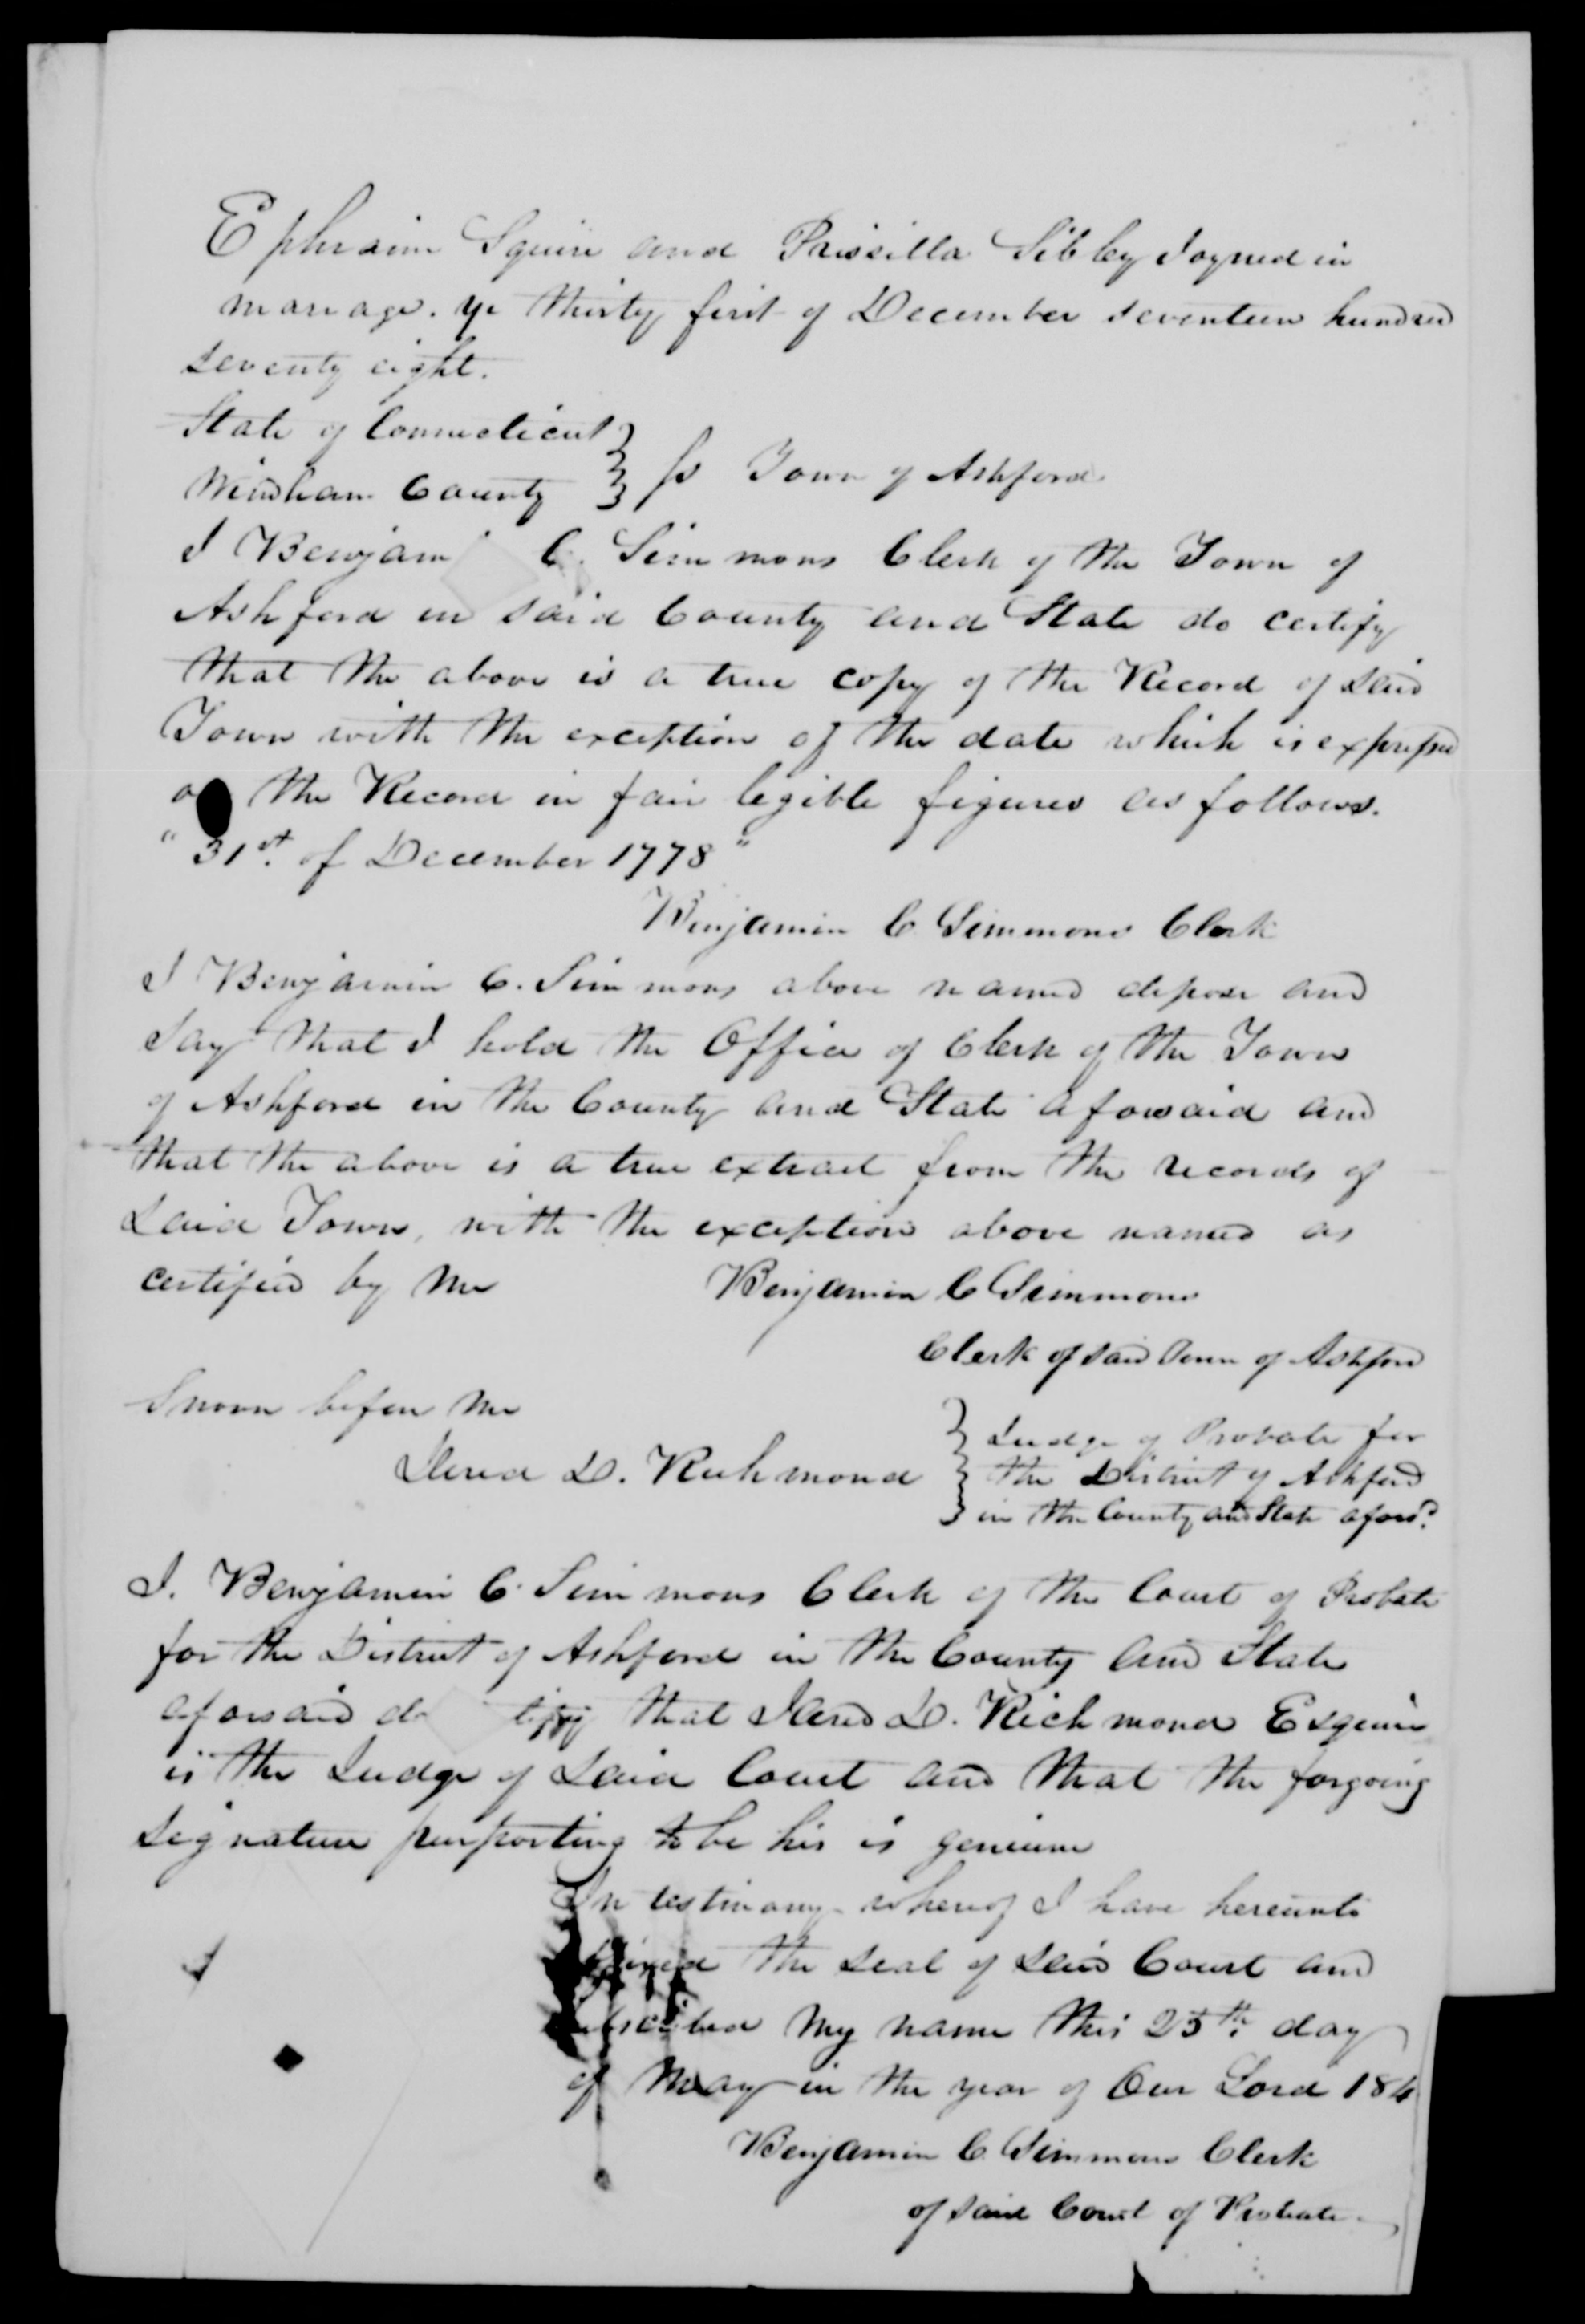Ephriam Squire and Prissilla  Sibley Squire in marriage. Ye thirty first of December seventeen hundred seventy eight.

State of Connecticut
Windham County} fs Town of Ashford
 
I Benjamin C Simmons Clerk of the Town of Ashfordin said county and state do certify that the above is a true copy of the Record of said town with the exception of the date which is expressed a s the Record in fair legible figures as follows. 31st of December 1778
Benjamin E. Simmons Clerk

I Benjamin E. Simmons above named [illegible] and say that I hold the Office of Clerk of the Town of Ashford in the County and State aforesaid and that the above is a true extract from the records of said town, with the exception above names as certified by me Benjamin C. Simmons  
Clerk of said town of Ashford

worn before me Jared D. Richmond} Judge of probate for teh district of Ashford in the county and state aforesaid.

I Benjamin C. Simmons Clerk of the Court of the Court of Probate for the district of Ashford in the county and state aforesaid do certified that I and J Richmond Esquire is the Judge of said Court and that the foregoing signature purporting to be his is genuine. 

In testimony whereof I have hereunto afixed the seal of said Court and [illegible] my name [illegible] 25th day of May in the year of our Lord 184[cutoff] 
Benjamin C Simmons Clerk of said Court of Probate.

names: Jared D Richmond; Benjamin C Simmons; Benjamin C Simmons; Ephraim Squire; Prissilla Sibley; Benjamin C Simmons; Benjamin C Simmons; Jared D Richmond; Benjamin C Simmons; Benjamin C Simmons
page: 14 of 70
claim: rejected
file: R. 10,026, for Ephraim Squier, Connecticut